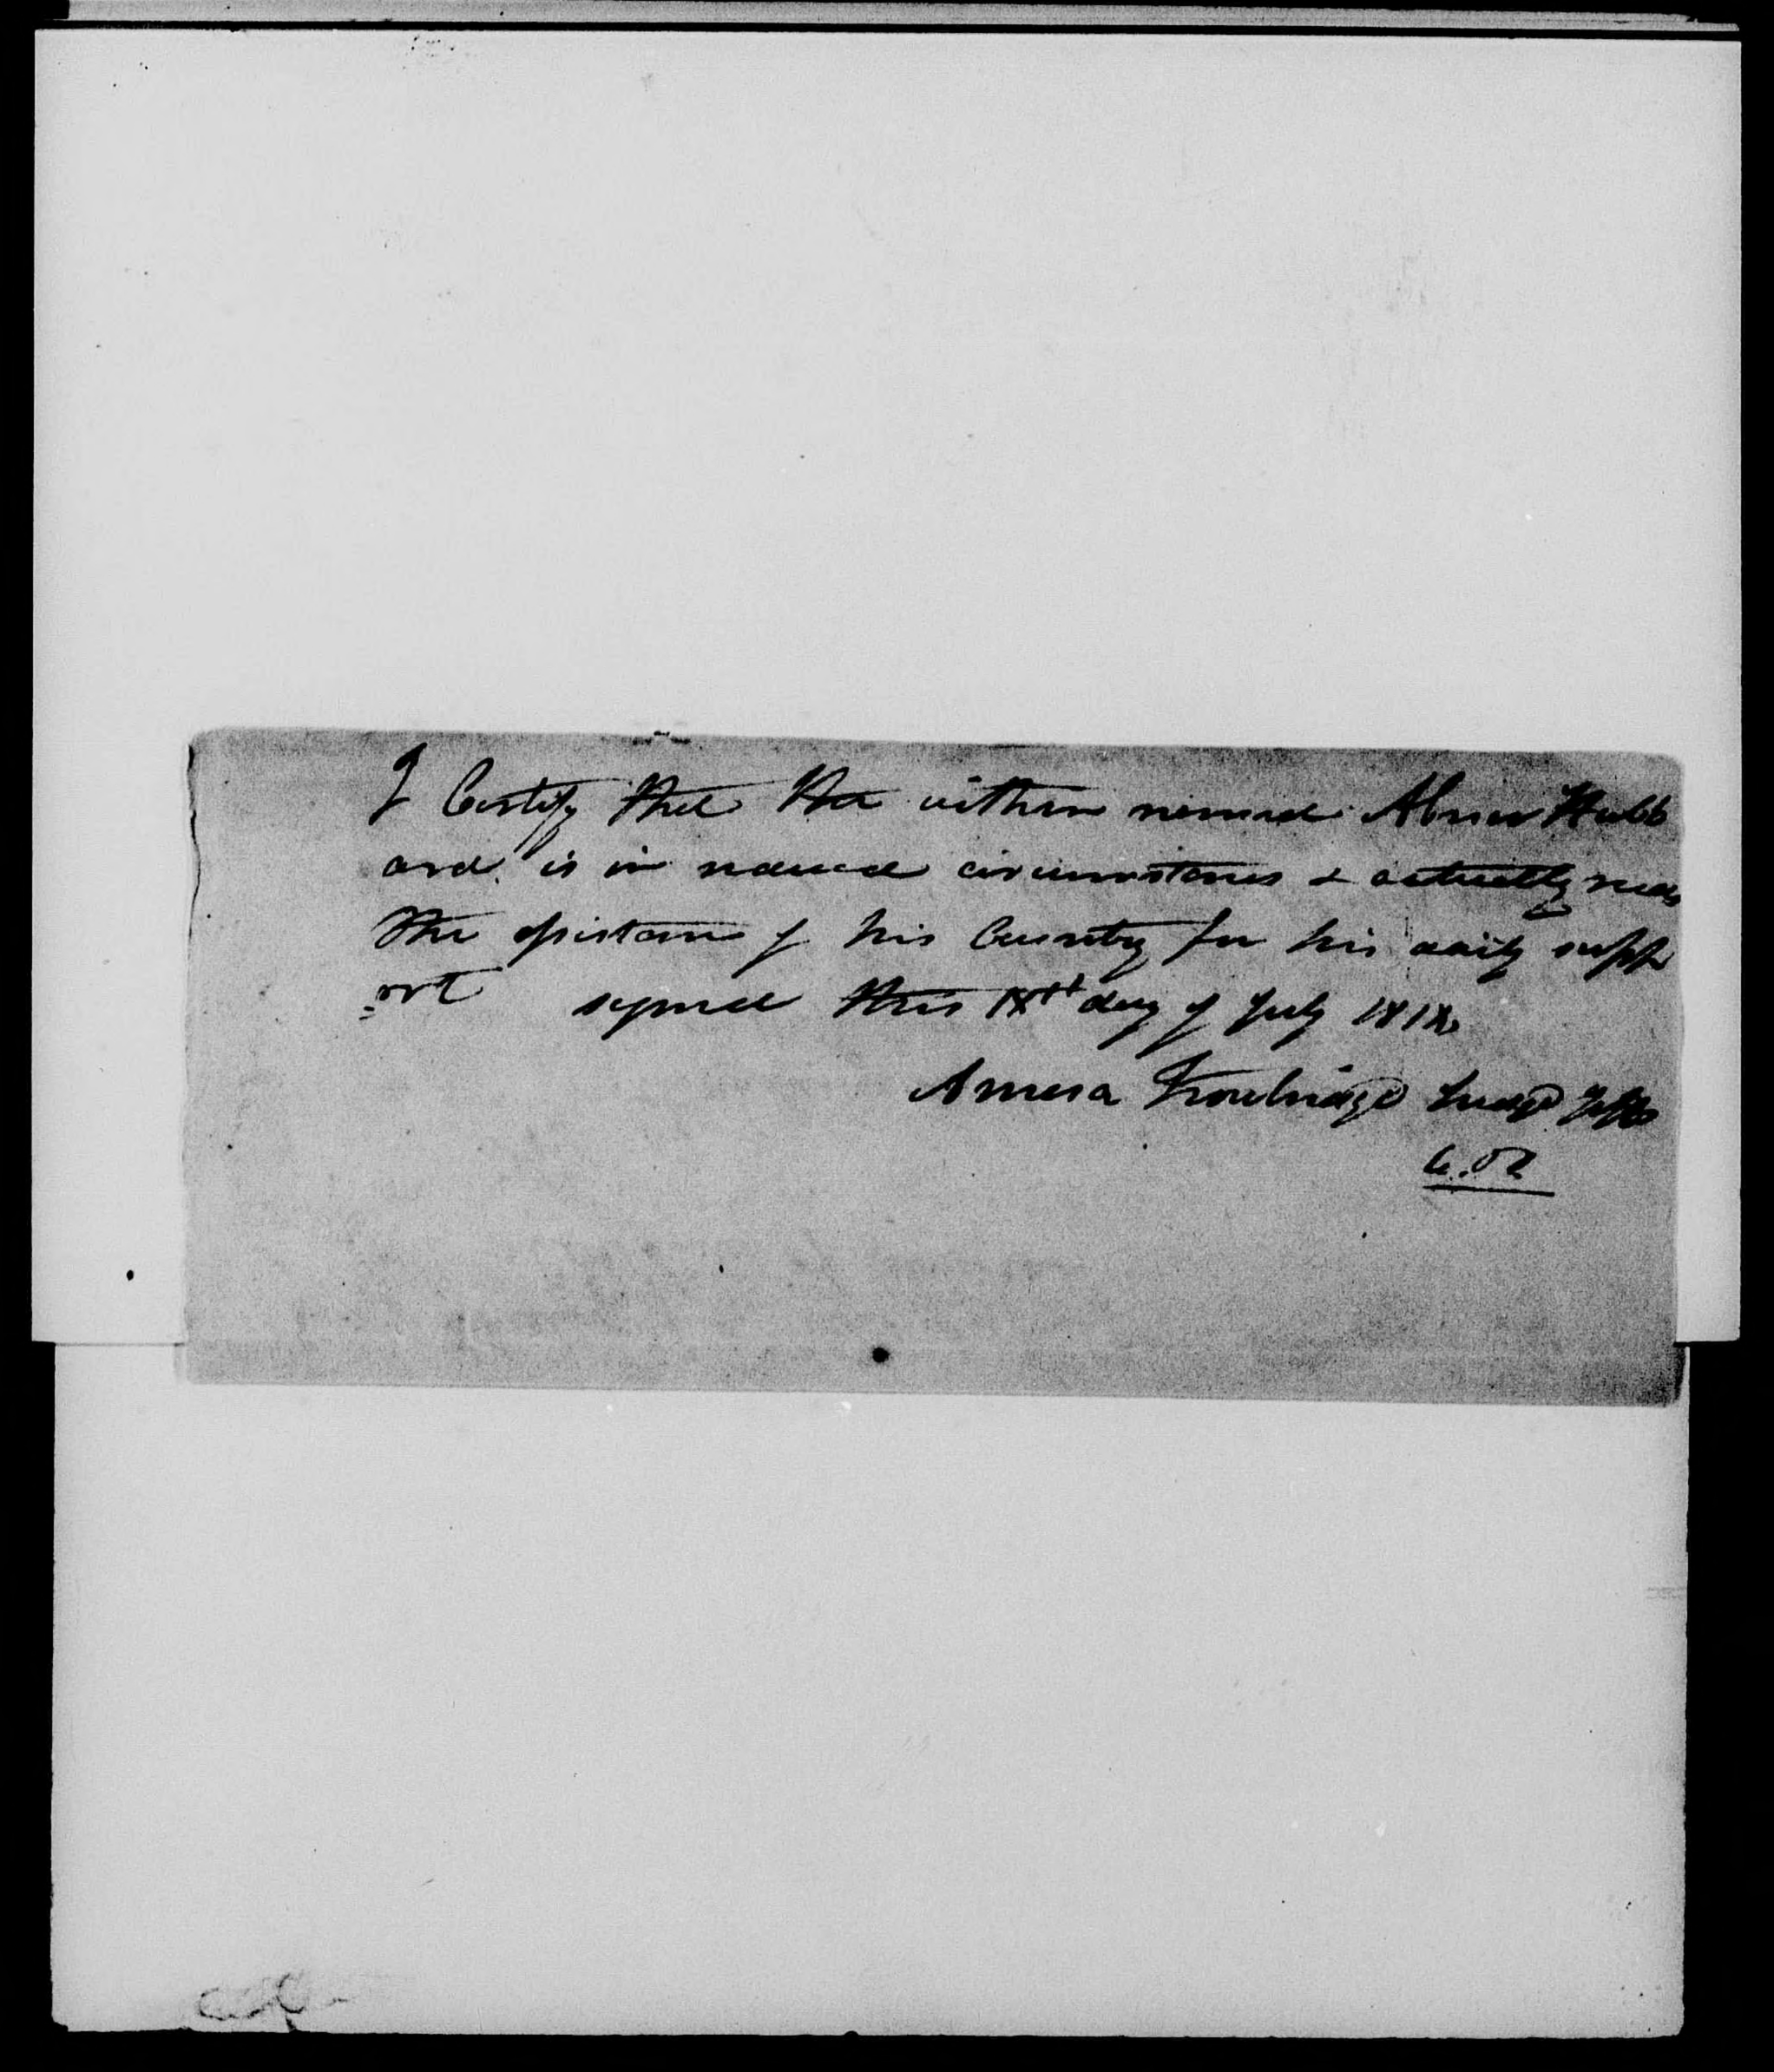I Certify that the within named Abner Hubbard is in [illegible] circumstances + actually needs the assistance of his Country for his [illegible] support [illegible] this 18th day of July 1818 
Amera Trowbridge [illegible]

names: Amesa Trowbridge, Abner Hubbard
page: 9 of 38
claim: widow's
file: W. 23,381, Abner Hubbard, Continental Mass.